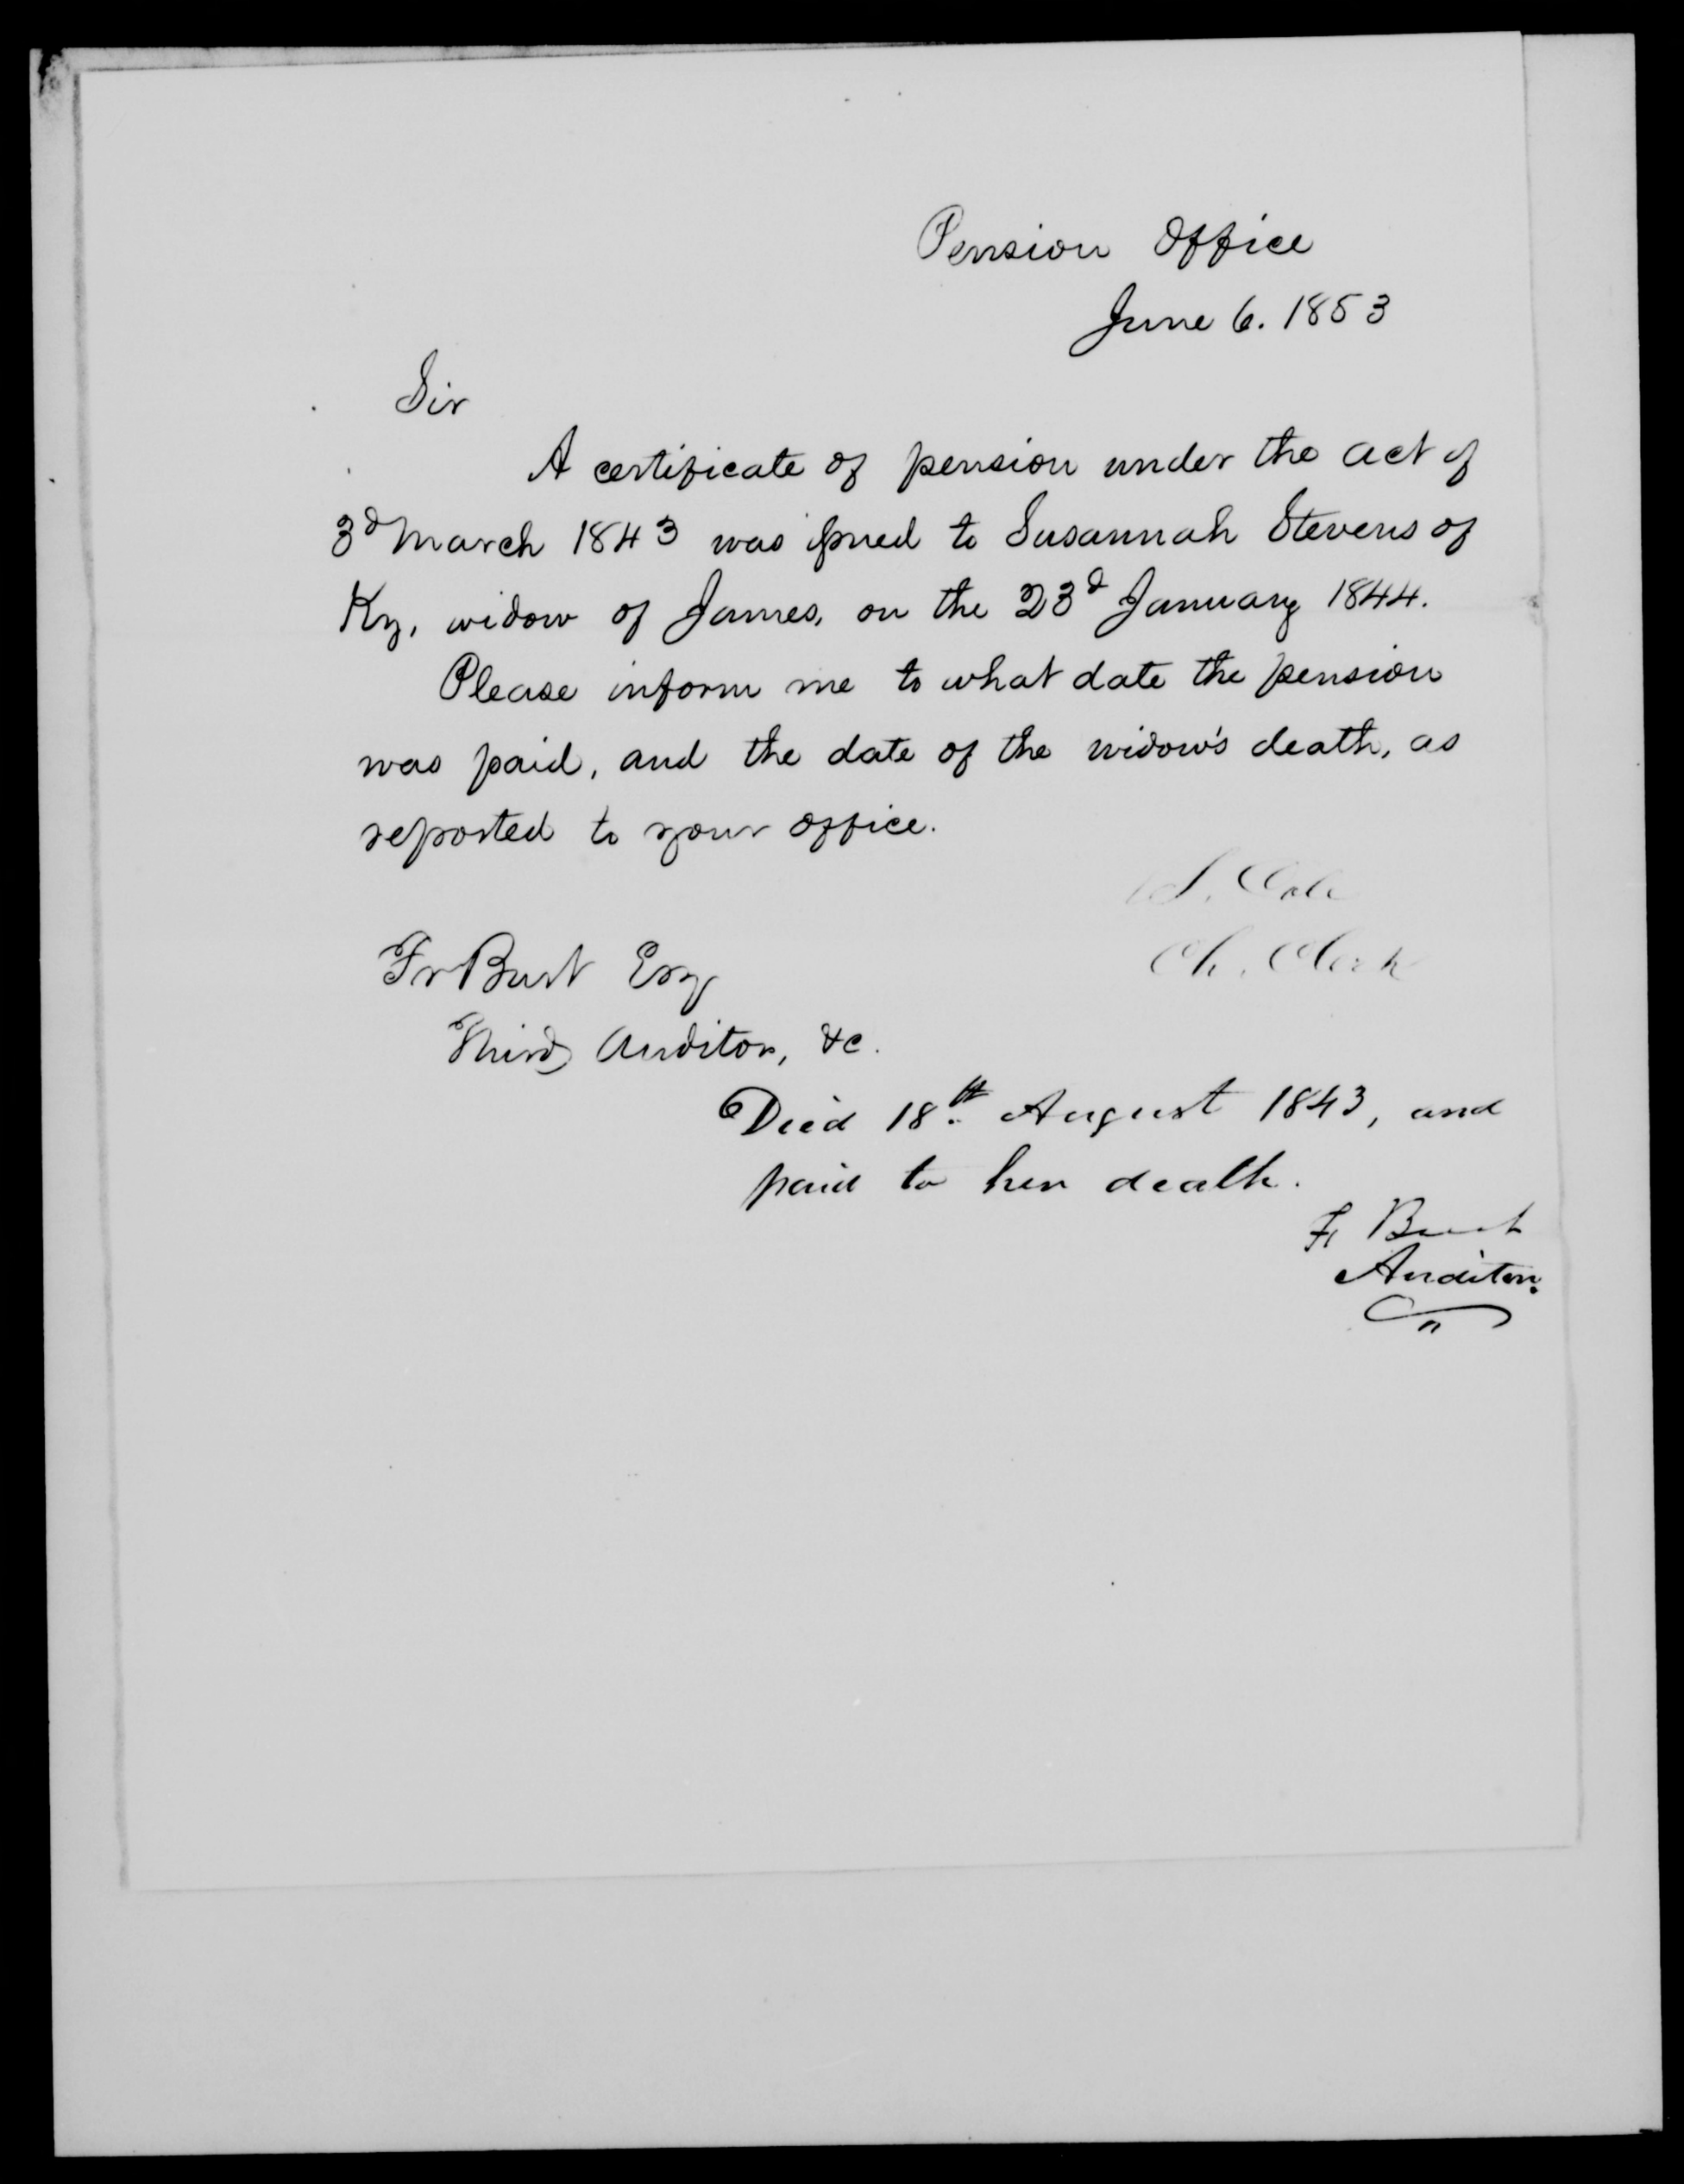Pension Office
June 6. 1853
Sir
A certificate of pension under the act of
3d March 1843 was issued to Susannah Stevens of Ky, widow of James, on the 23d January 1844.
Please inform me to what date the pension
was paid, and the date of the widow's death, as
reported to your office.
J. Cole
Ch Clerk
F Bush Esq
Third Auditor, tc
Died 18th August 1843, and
paid to her death.
F. Bush
Auditor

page: 56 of 99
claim: widow's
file: W 8766, for James Stevens, Virginia